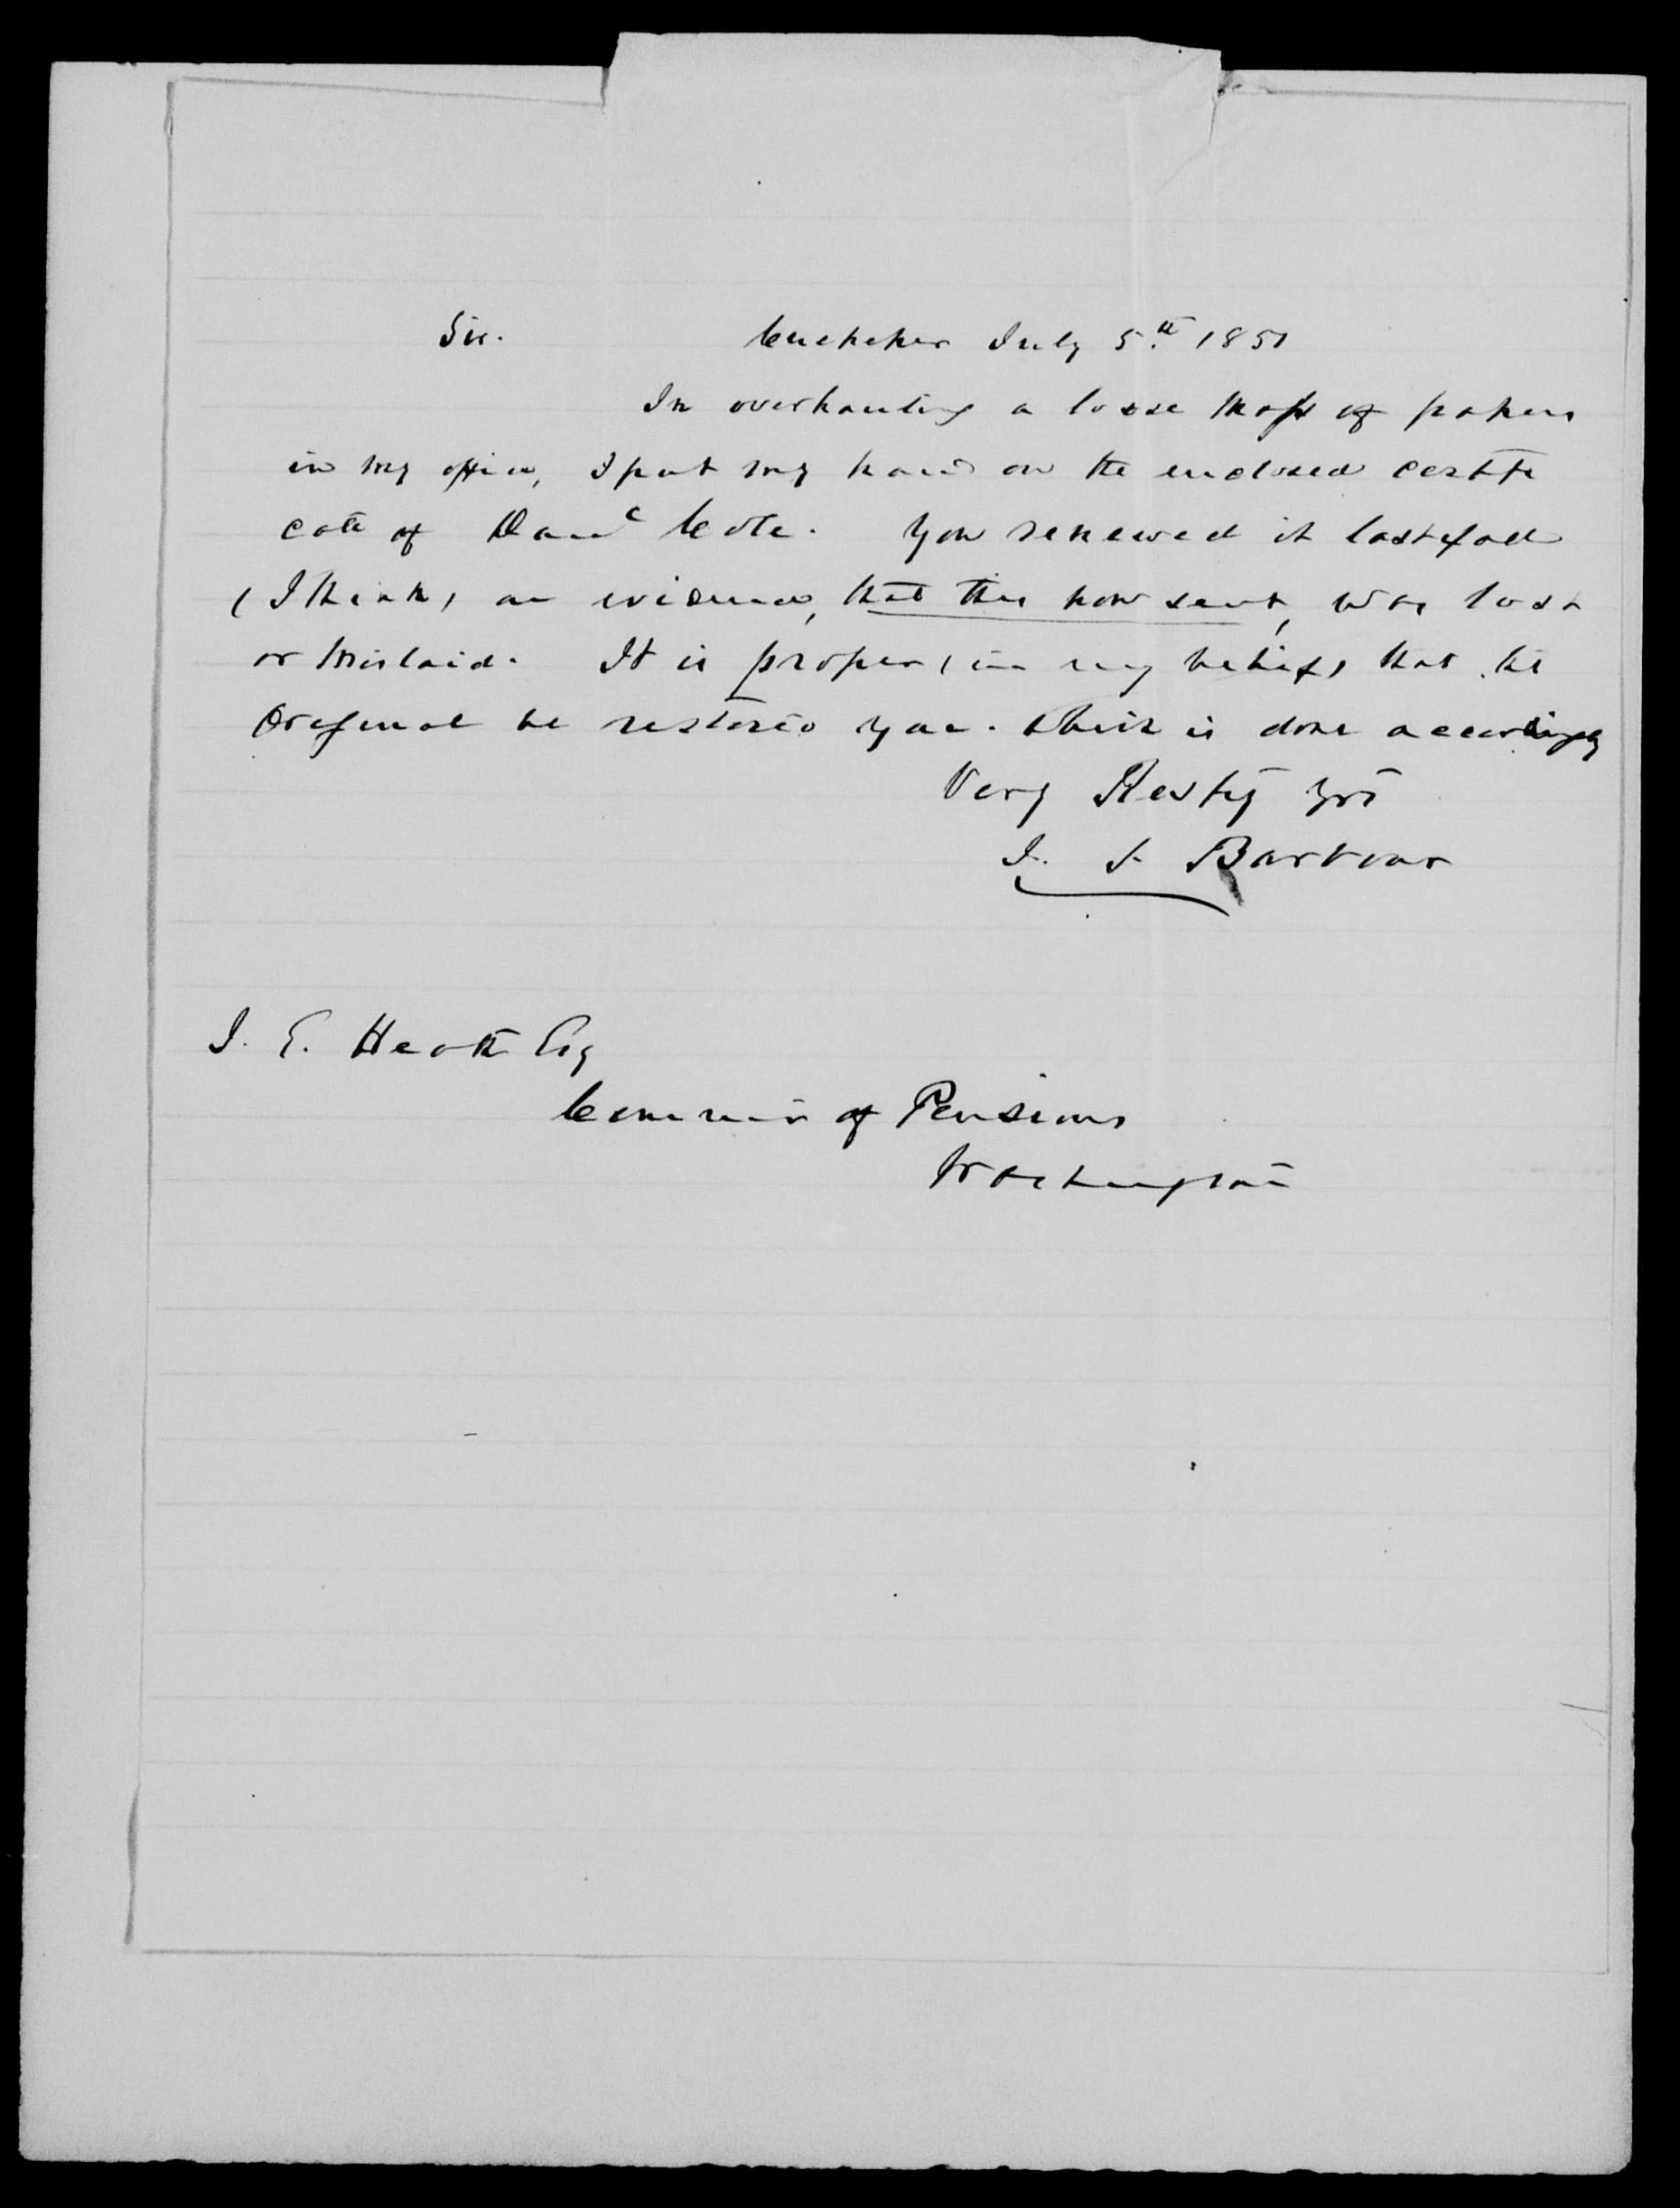Culpeper July 5th 1851
Sir
In overhauling a loose mass of paper in my office, I put my hand on the enclosed certificate of Daniel Cole. You renewed it last fall and (I think) as evidence that this now sent was lost or mislaid. It is proper (in my belief) that the Original be restored you. This is done accordingly.
Very Resfy [Respectfully] Sir
J. S. Barbour



J. E. Heath Esq.
Comm [Commissioner] of Pensions
Washington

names: Danl Cole, J E Heath, J S Barbour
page: 43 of 61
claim: survivor's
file: S. 8236, Daniel Cole, Va.